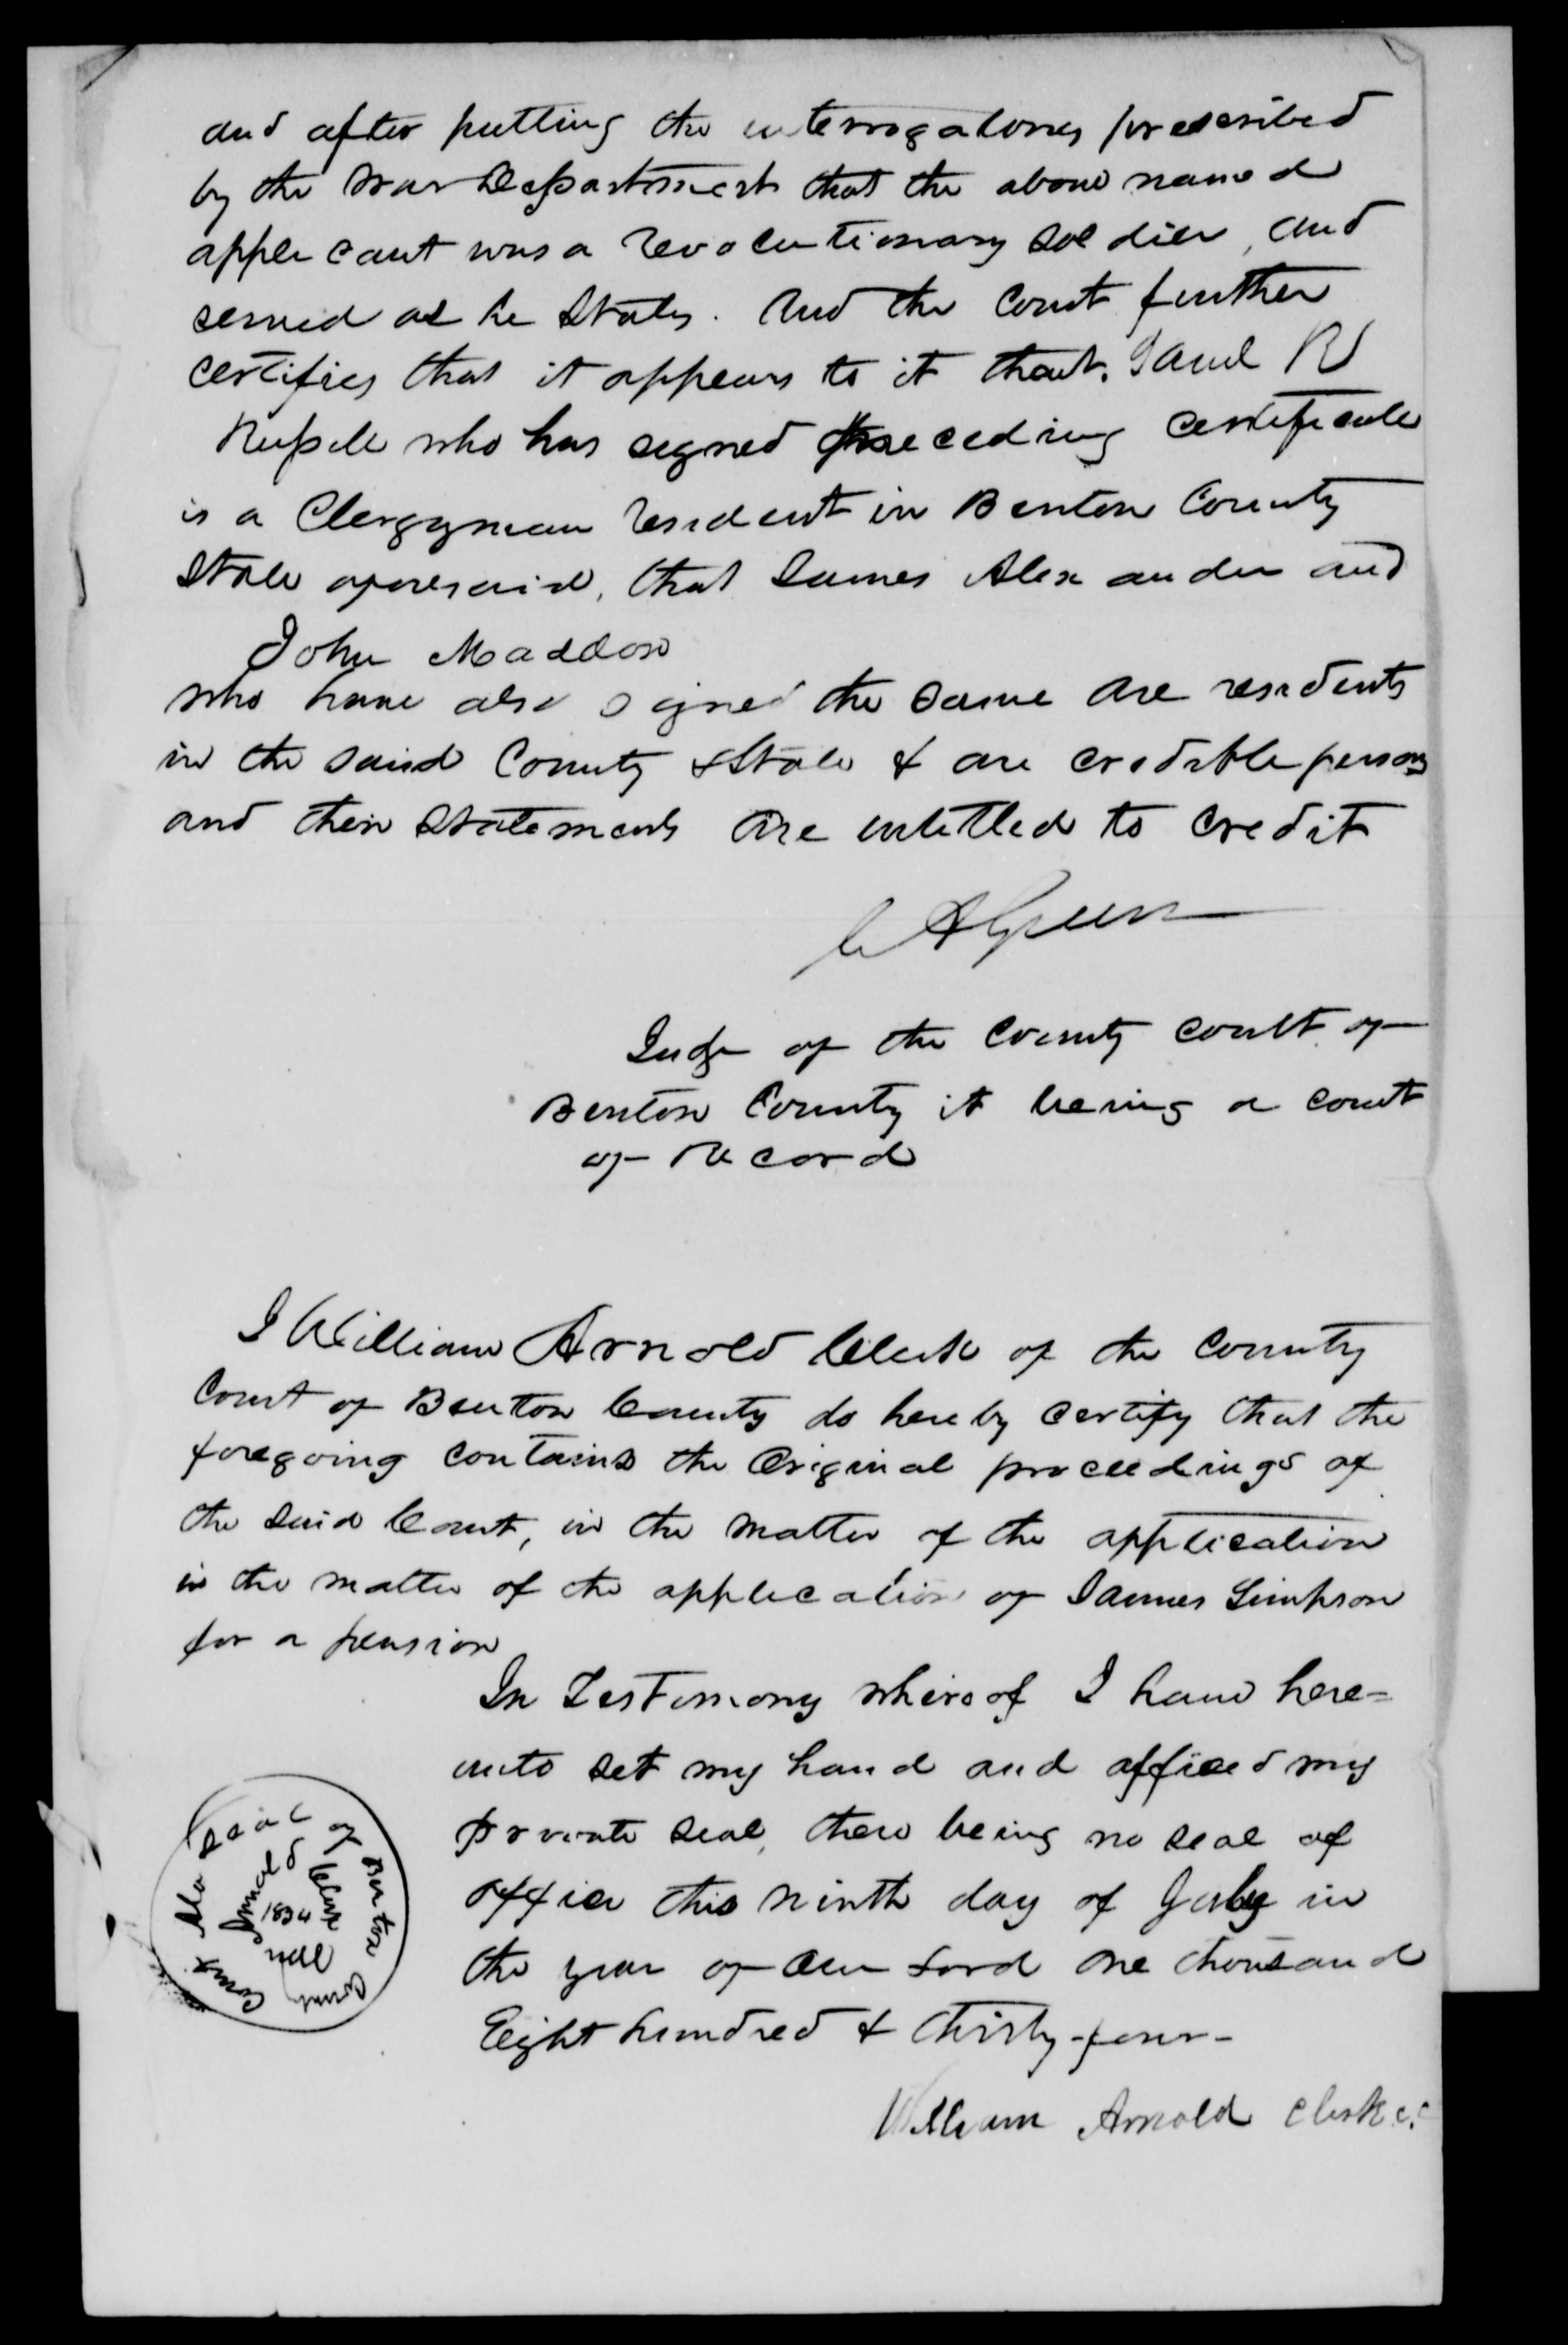and after putting the interrogatories prescribed by the War Department that the above named applicant was a revolutionary soldier, and served as he states.  And the court further certifies that it appears to it that Saml R Russell who has signed preceding certificate is a clergyman resident in Benton County State aforesaid, that James Alexander and John Maddox who have also signed the same are residents in the said County & State & are credible persons and their statements are entitled to credit.
    J A Green
   Judge of the county court of Benton County it being a court of record

I William Arnold Clerk of the County Court of Benton County do hereby certify that the foregoing contains the Original proceedings of the said Court, in the Matter of the application in this matter of the application of James Simpson for a pension.
   In Testimony whereof I have hereunto set my hand and affixed my private seal, there being no seal of officer this ninth day of July in the year of our Lord on thousand Eight hundred & thirty-four
   William Arnold Clerk cc

[To the left of the preceding paragraph is a hand-drawn seal in which the following is written:]
Seal of Benton County Court Ala
1824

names: James Simpson; John Maddox; William Arnold; J A Green; Saml R Russell; James Alexander; William Arnold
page: 8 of 17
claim: survivor's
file: S. 11401, for James Simpson, South Carolina